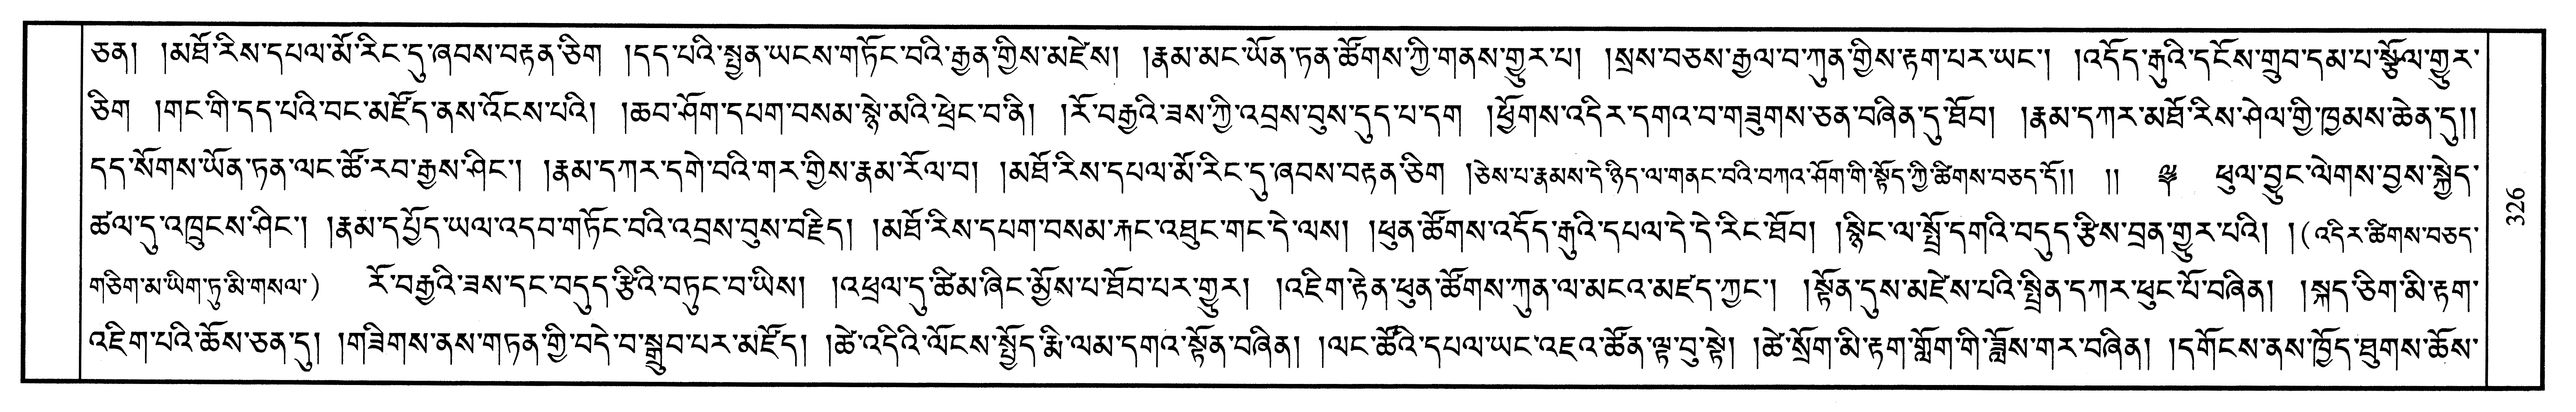ཅན། །མཐོ་རིས་དཔལ་མོ་རིང་དུ་ཞབས་བརྟན་ཅིག །དད་པའི་སྤྱན་ཡངས་གཏོང་བའི་རྒྱན་གྱིས་མཛེས། །རྣམ་མང་ཡོན་ཏན་ཚོགས་ཀྱི་གནས་གྱུར་པ། །སྲས་བཅས་རྒྱལ་བ་ཀུན་གྱིས་རྟག་པར་ཡང་། །འདོད་རྒུའི་དངོས་གྲུབ་དམ་པ་སྩོལ་གྱུར་
ཅིག །གང་གི་དད་པའི་བང་མཛོད་ནས་འོངས་པའི། །ཆབ་ཤོག་དཔག་བསམ་སྙེ་མའི་ཕྲེང་བ་ནི། །རོ་བརྒྱའི་ཟས་ཀྱི་འབྲས་བུས་དུད་པ་དག །ཕྱོགས་འདིར་དགའ་བ་གཟུགས་ཅན་བཞིན་དུ་ཐོབ། །རྣམ་དཀར་མཐོ་རིས་ཤེལ་གྱི་ཁྱམས་ཆེན་དུ།།
དད་སོགས་ཡོན་ཏན་ལང་ཚོ་རབ་རྒྱས་ཤིང་། །རྣམ་དཀར་དགེ་བའི་གར་གྱིས་རྣམ་རོལ་བ། །མཐོ་རིས་དཔལ་མོ་རིང་དུ་ཞབས་བརྟན་ཅིག །ཅེས་པ་རྣམས་དེ་ཉིད་ལ་གནང་བའི་བཀའ་ཤོག་གི་སྟོད་ཀྱི་ཚིགས་བཅད་དོ།། །། ༈ ཕུལ་བྱུང་ལེགས་བྱས་སྐྱེད་
ཚལ་དུ་འཁྲུངས་ཤིང་། །རྣམ་དཔྱོད་ཡལ་འདབ་གཏོང་བའི་འབྲས་བུས་བརྗིད། །མཐོ་རིས་དཔག་བསམ་རྐང་འཐུང་གང་དེ་ལས། །ཕུན་ཚོགས་འདོད་རྒུའི་དཔལ་དེ་དེ་རིང་ཐོབ། །སྙིང་ལ་སྤྲོ་དགའི་བདུད་རྩིས་བྲན་གྱུར་པའི། །འདིར་ཚིགས་བཅད་
གཅིག་མ་ཡིག་ཏུ་མི་གསལ་རོ་བརྒྱའི་ཟས་དང་བདུད་རྩིའི་བཏུང་བ་ཡིས། །འཕྲལ་དུ་ཚིམ་ཞིང་མྱོས་པ་ཐོབ་པར་གྱུར། །འཇིག་རྟེན་ཕུན་ཚོགས་ཀུན་ལ་མངའ་མཛད་ཀྱང་། །སྟོན་དུས་མཛེས་པའི་སྤྲིན་དཀར་ཕུང་པོ་བཞིན། །སྐད་ཅིག་མི་རྟག་
འཇིག་པའི་ཆོས་ཅན་དུ། །གཟིགས་ནས་གཏན་གྱི་བདེ་བ་སྒྲུབ་པར་མཛོད། །ཚེ་འདིའི་ལོངས་སྤྱོད་རྨི་ལམ་དགའ་སྟོན་བཞིན། །ལང་ཚོའི་དཔལ་ཡང་འཇའ་ཚོན་ལྟ་བུ་སྟེ། །ཚེ་སྲོག་མི་རྟག་གློག་གི་ཟློས་གར་བཞིན། །དགོངས་ནས་ཁྱོད་ཐུགས་ཆོས་